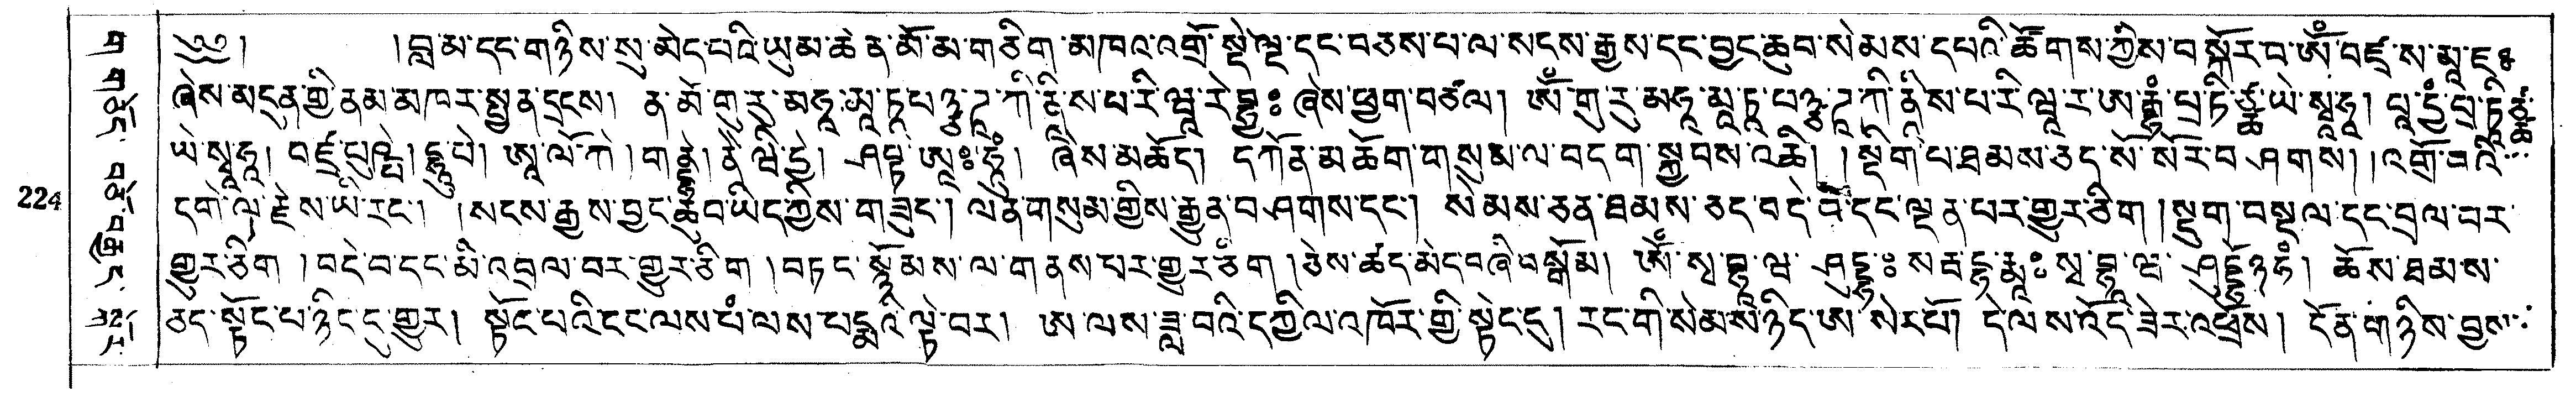༄༅། །བླ་མ་དང་གཉིས་སུ་མེད་པའི་ཡུམ་ཆེན་མོ་མ་གཅིག་མཁའ་འགྲོ་སྡེ་ལྔ་དང་བཅས་པ་ལ་སངས་རྒྱས་དང་བྱང་ཆུབ་སེམས་དཔའི་ཚོགས་ཀྱིས་བསྐོར་བ་ཨོཾ་བཛྲ་ས་མཱ་ཇཿ
ཞེས་མདུན་གྱི་ནམ་མཁར་སྤྱན་དྲངས། ན་མོ་གུ་རུ་མཧཱ་མཱ་ཏཱ་པ་ཉྩ་ཌཱ་ཀི་ནི་ས་པ་རི་ཝཱ་རེ་བྷྱཿ ཞེས་ཕྱག་བཙལ། ཨོཾ་གུ་རུ་མཧཱ་མཱ་ཏཱ་པཉྩ་ཌཱ་ཀི་ནིས་པ་རི་ཝཱ་ར་ཨ་རྒྷཾ་པྲ་ཏི་ཙྪ་ཡེ་སྭཱ་ཧཱ། པཱ་དྱཾ་པྲ་ཏཱི་ཙྪ་
ཡེ་སྭཱ་ཧཱ། བཛྲ་པུ་ཥྤེ། དྷཱུ་པེ། ཨཱ་ལོ་ཀེ། གནྡྷེ། ནཻ་ཝི་དྱེ། ཤཔྟ་ཨཱཿ ཧཱུཾ། ཞེས་མཆོད། དཀོན་མཆོག་གསུམ་ལ་བདག་སྐྱབས་འཆི། །སྡིག་པ་ཐམས་ཅད་སོ་སོར་བཤགས། །འགྲོ་བའི་
དགེ་ལ་རྗེས་ཡི་རང་། །སངས་རྒྱས་བྱང་ཆུབ་ཡིད་ཀྱིས་གཟུང་། ལན་གསུམ་གྱིས་རྒྱུན་བཤགས་དང་། སེམས་ཅན་ཐམས་ཅད་བདེ་བ་དང་ལྡན་པར་གྱུར་ཅིག །སྡུག་བསྔལ་དང་བྲལ་བར་
གྱུར་ཅིག །བདེ་བ་དང་མི་འབྲལ་བར་གྱུར་ཅིག །བཏང་སྙོམས་ལ་གནས་པར་གྱུར་ཅིག །ཅེས་ཚད་མེད་བཞི་བསྒོམ། ཨོཾ་སྭ་བྷ་ཝ་ཤུདྡྷཿ སརྦ་དྷ་རྨཱཿ སྭ་བྷཱ་ཝ་ཤུདྡྷོཉ་ཧཾ། ཆོས་ཐམས་
ཅད་སྟོང་པ་ཉིད་དུ་གྱུར། སྟོང་པའི་ངང་ལས་པཾ་ལས་པདམའི་ལྟེ་བར། ཨ་ལས་ཟླ་བའི་དཀྱིལ་འཁོར་གྱི་སྟེང་དུ། རང་གི་སེམས་ཉིད་ཨ་སེར་པོ། དེ་ལས་འོད་ཟེར་འཕྲོས། དོན་གཉིས་བྱས་